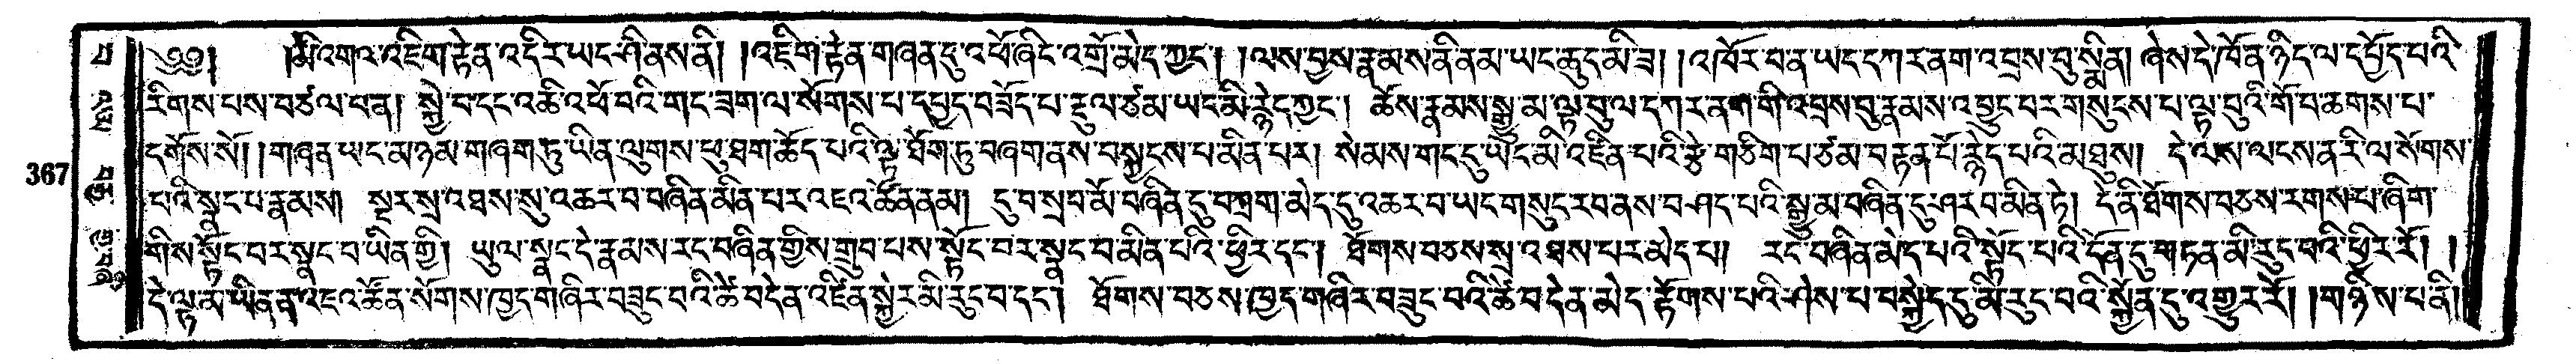༄༅། །མི་འགའ་འཇིག་རྟེན་འདིར་ཡང་ཤི་ནས་ནི། །འཇིག་རྟེན་གཞན་དུ་འཕོ་ཞིང་འགྲོ་མེད་ཀྱང་། །ལས་བྱས་རྣམས་ནི་ནམ་ཡང་ཆུད་མི་ཟ། །འཁོར་བ་ན་ཡང་དཀར་ནག་འབྲས་བུ་སྨིན། ཞེས་དེ་ཁོ་ན་ཉིད་ལ་དཔྱོད་པའི་
རིགས་པས་བཙལ་བ་ན། སྐྱེ་བ་དང་འཆི་འཕོ་བའི་གང་ཟག་ལ་སོགས་པ་དཔྱད་བཟོད་པ་རྡུལ་ཙམ་ཡང་མི་རྙེད་ཀྱང་། ཆོས་རྣམས་སྒྱུ་མ་ལྟ་བུ་ལ་དཀར་ནག་གི་འབྲས་བུ་རྣམས་འབྱུང་བར་གསུངས་པ་ལྟ་བུའི་གོ་བ་ཆགས་པ་
དགོས་སོ། །གཞན་ཡང་མཉམ་གཞག་ཏུ་ཡིན་ལུགས་ཕུ་ཐག་ཆོད་པའི་ལྟ་ཐོག་ཏུ་བཞག་ནས་བསྐྱངས་པ་མིན་པར། སེམས་གང་དུ་ཡང་མི་འཛིན་པའི་རྩེ་གཅིག་པ་ཙམ་བརྟན་པོ་རྙེད་པའི་མཐུས། དེ་ལས་ལངས་ན་རི་ལ་སོགས་
པའི་སྣང་པ་རྣམས། སྔར་སྲ་འཐས་སུ་འཆར་བ་བཞིན་མིན་པར་འཇའ་ཚོན་ནམ། དུ་བ་སྲབ་མོ་བཞིན་དུ་བཀྲག་མེད་དུ་འཆར་བ་ཡང་གསུང་རབ་ནས་བཤད་པའི་སྒྱུ་མ་བཞིན་དུ་ཤར་བ་མིན་ཏེ། དེ་ནི་ཐོགས་བཅས་རགས་པ་ཞིག་
གིས་སྟོང་བར་སྣང་བ་ཡིན་གྱི། ཡུལ་སྣང་དེ་རྣམས་རང་བཞིན་གྱིས་གྲུབ་པས་སྟོང་བར་སྣང་བ་མིན་པའི་ཕྱིར་དང་། ཐོགས་བཅས་སྲ་འཐས་པར་མེད་པ། རང་བཞིན་མེད་པའི་སྟོང་པའི་དོན་དུ་གཏན་མི་རུང་བའི་ཕྱིར་རོ། །
དེ་ལྟ་མ་ཡིན་ན་འཇའ་ཚོན་སོགས་ཁྱད་གཞིར་བཟུང་བའི་ཚེ་བདེན་འཛིན་སྐྱེར་མི་རུང་བ་དང་། ཐོགས་བཅས་ཁྱད་གཞིར་བཟུང་བའི་ཚེ་བདེན་མེད་རྟོགས་པའི་ཤེས་པ་བསྐྱེད་དུ་མི་རུང་བའི་སྐྱོན་དུ་འགྱུར་རོ། །གཉིས་པ་ནི།